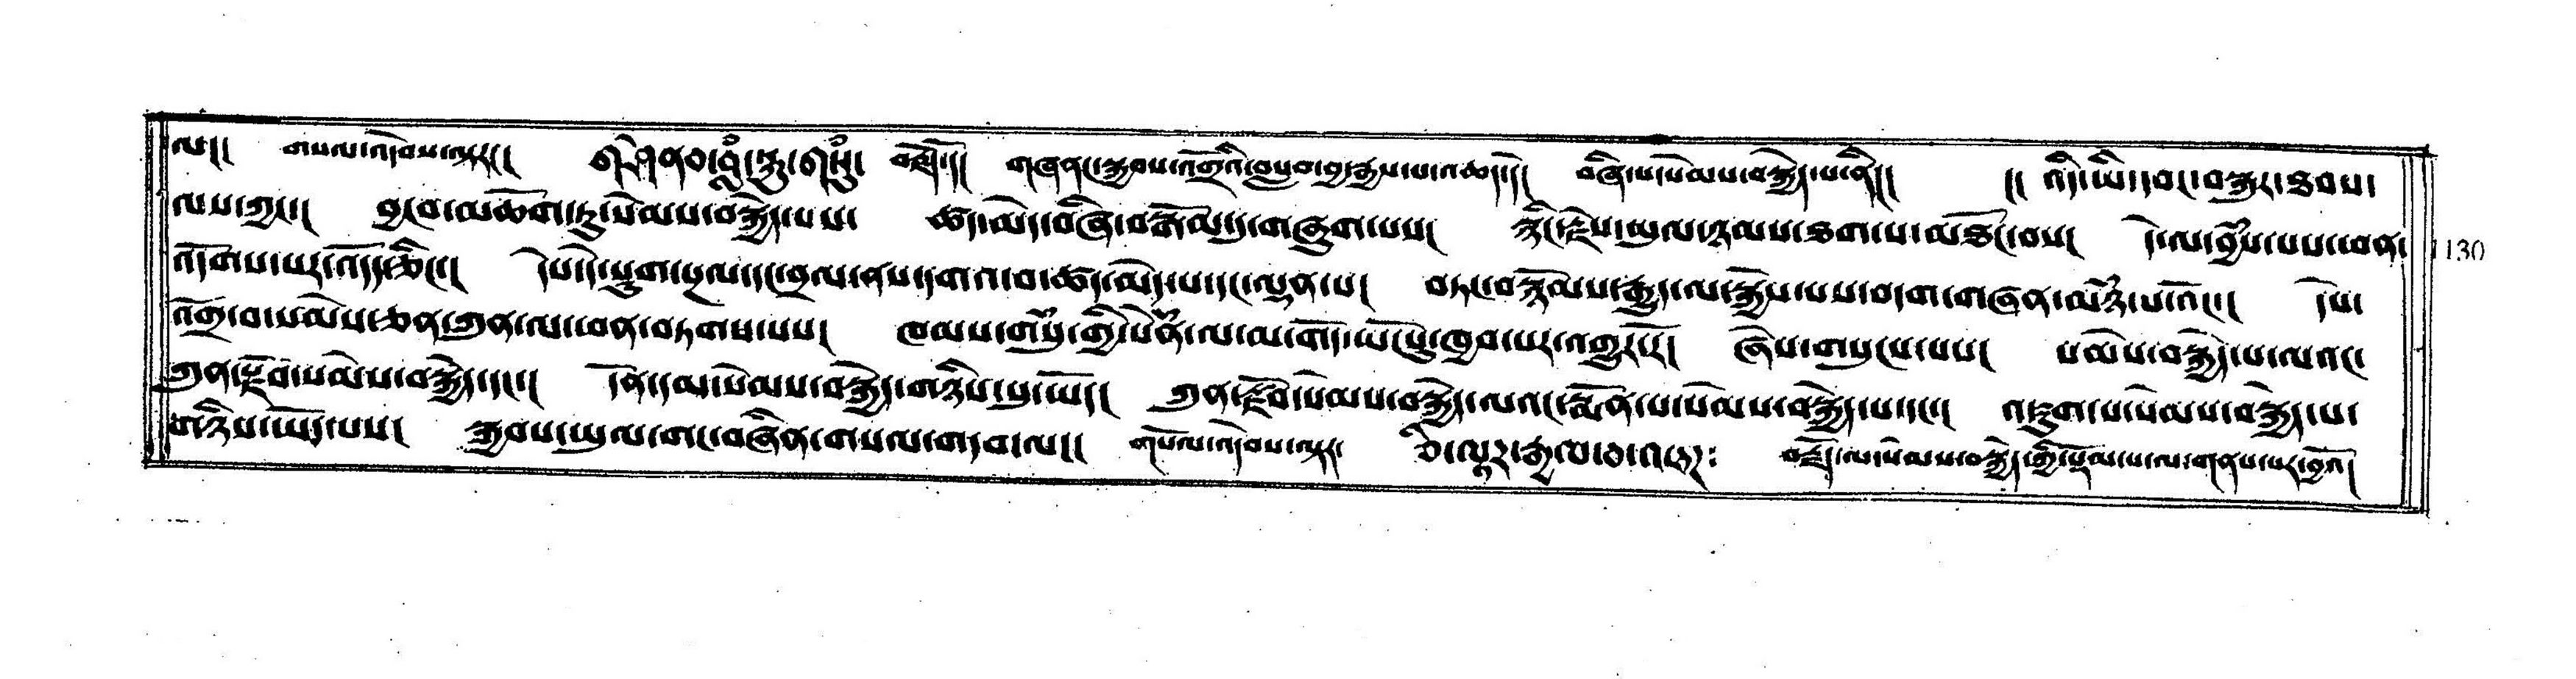ལ།། གསལ་འདེབས་ལྟར། གཤེན་རབ་བླ་མ་སྐུ་གསུམ་བརྗོད་དོ། གཞན་ཡང་སྐྱབས་འགྲོའི་བསླབ་བྱ་རྒྱས་པ་འཆད་དོ། བཞི་པ་སེམས་བསྐྱེད་པ་ནི།། །།འདི་ཡི་དབང་བསྐུར་ཐབས་
ལས་ཀྱང་། བྱང་ཆུབ་མཆོག་ཏུ་སེམས་བསྐྱེད་པས། ཚད་མེད་བཞི་བསྒོམ་དུ་གཞུག་པས། སྙིང་རྗེས་ཡུལ་ཉམས་ཐག་པ་མཐོང་བས། དེ་ལ་བྱམས་པས་ཕན་
འདོགས་པར་འདོད་ཅིང་། དཔེ་དེ་སྡུག་བསྔལ་དང་བྲལ་ནས་དགའ་བ་ཚད་མེད་པ་དང་ལྡན་པ། བཏང་བསྙོམས་རྒྱུད་ལ་སྐྱེས་པས་བདག་གཞན་མཉམ་པ་འོང་། དཔེ་
འགྲོ་བ་སེམས་ཅན་ཀུན་ལ་ཕན་བཏགས་པས། ཁམས་གསུམ་གྱི་སེམས་ཅན་ལ་མ་གོད་ཡོངས་སུ་ཁྱབ་པར་འགྱུར་རོ། ཞེས་གསུངས་པས། སེམས་བསྐྱེད་པ་ལའང་
ཀུན་རྫོབ་སེམས་བསྐྱེད་དང་། དོན་དམ་སེམས་བསྐྱེད་གཉིས་སུ་ཡོད། ཀུན་རྫོབ་སེམས་བསྐྱེད་ལའང་སྨོན་པ་སེམས་བསྐྱེད་པ་དང་། འཇུག་པ་སེམས་བསྐྱེད་པ་
གཉིས་ཡོད་པས། སྐྱབས་ཡུལ་གང་བཞིན་གསལ་གདབ་ལ།། གསོལ་འདེབས་ལྟར། ཅི་ལྟར་རྒྱལ་བ་འཕགས༴ བརྗོད་ལ་སེམས་བསྐྱེད་གྱི་སྡོམ་པ་ལ་གནས་པར་བྱའོ།